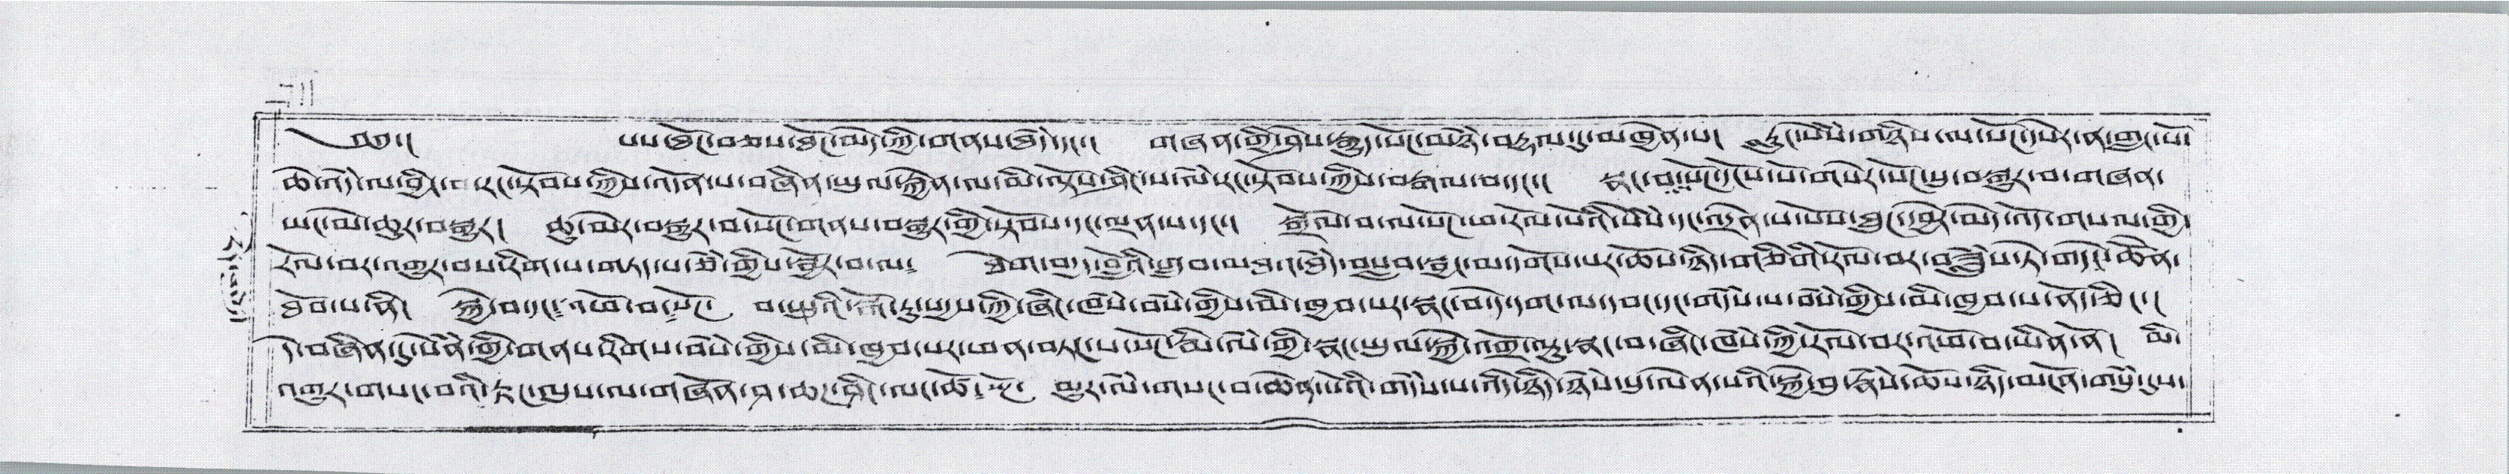པས་ཐོགས་བཅས་ཐོགས་མེད་ཀྱི་གནས་ཐམས་ཅད་དང། གཞན་གྱི་ཤེས་རྒྱུད་སོགས་མཉམ་བརྡལ་དུ་མཁྱེན་པ། རླུང་སེམས་གཉིས་ལ་སོགས་དཔེར་ན་གླང་པོ་
ཆེ་འདམ་ལ་བྱིང་བ་རང་སྟོབས་ཀྱིས་འདོན་པ་བཞིན་ཡུལ་རྐྱེན་ལ་མི་ལྟོས་ཤིང་ས་ལམ་རང་སྟོབས་ཀྱིས་བརྒལ་བ་དང། སྣང་བ་སོགས་དངོས་པོ་གསེར་སོགས་སུ་བསྒྱུར་བ་གཞན་
ཡང་མེ་ཆུར་བསྒྱུར། ཆུ་མེར་བསྒྱུར་བ་སོགས་གནས་བསྒྱུར་གྱི་སྟོབས་དང་ལྡན་པ་དང། སྒྲོལ་བ་ལ་སོགས་ཕ་རོལ་པོའི་སེམས་དང་འདྲེན་པ་པོས་ཐུགས་དབྱེར་མེད་འོད་གསལ་གྱི་
རོལ་བར་འགྱུར་བས་རིག་པ་གཏད་པ་ཙམ་གྱིས་སྦྱོར་བ་ལ། ཐེག་བརྒྱད་བློིའི་གྲུབ་མཐའ་ཐམས་ཅད་བསླབ་སྦྱང་མ་དགོས་པར་ཆོས་ཉིད་གཅིག་གི་རོལ་བར་བཟླུམས་ཏེ་གདེང་ཆེན་པོ་
ཐོབ་པ་ནི། སྐྱེ་བ་དང་འཕོ་བ་སོགས། བ་སྤུའི་སྒོ་རུ་སངས་རྒྱས་ཀྱི་ཞིང་ཁམས་བསམ་གྱིས་མི་ཁྱབ་པར་སྣང་བ་དེ་དག་ལ་དབང་དང་གདམས་པ་བསམ་གྱིས་མི་ཁྱབ་པ་ནོད་ཅིང། 
དེ་བཞིན་དུ་སེམས་ཅན་གྱི་གནས་རིགས་བསམ་གྱིས་མི་ཁྱབ་པར་ཕན་བཏགས་པ་སོགས་རྨི་ལམ་གྱི་སྣང་ཡུལ་སྐྱེ་འགྲོ་ལྟ་བུ་སྣང་བ་ཞིང་ཁམས་ཀྱི་རོལ་བར་འཕོ་བ་ཡིན་ནོ། མི་
འགྱུར་གསང་བའི་རྟགས་ལུས་ལ་གཞོན་ཤ་ཆགས་ཤིང་ལང་ཚོ་སོགས། མྱུར་ལམ་གསང་བ་ཆེན་པོའི་གདམས་པ་འདི་ཉིད་ཉམས་སུ་ལེན་པའི་སྐྱེ་བུ་རྣམས་ཆོས་ཉིད་མངོན་གསུམ་དུས་